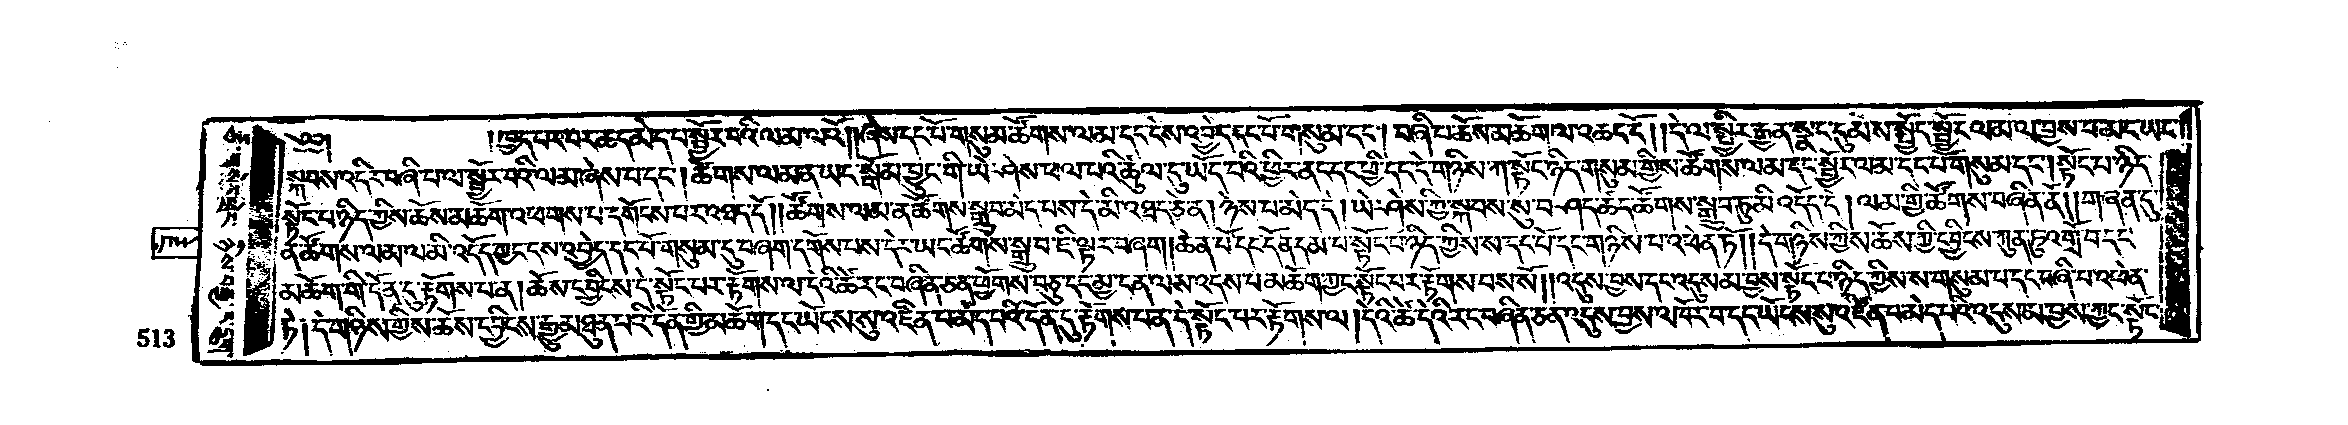༄༅། །ཁྱད་པར་བར་ཆད་མེད་པ་སྦྱོར་བའི་ལམ་ལའོ། །ཞེས་དང་པོ་གསུམ་ཚོགས་ལམ་དང་ངེས་འབྱེད་དང་པོ་གསུམ་དང་། བཞི་པ་ཆོས་མཆོག་ལ་འཆད་དོ། །དེ་ལ་སྤྱིར་རྒྱན་སྣང་དུ་མོས་སྤྱོད་སྦྱོར་ལམ་ལ་བྱས་པ་མང་ཡང་།
སྐབས་འདིར་བཞི་པ་ལ་སྦྱོར་བའི་ལམ་ཞེས་པ་དང་། ཚོགས་ལམ་ན་ཡང་སྒོམ་བྱུང་གི་ཡེ་ཤེས་ཕལ་པའི་ཚུལ་དུ་ཡོད་པའི་ཕྱིར་ནང་དང་ཕྱི་དང་དེ་གཉིས་ཀ་སྟོང་ཉིད་གསུམ་གྱིས་ཚོགས་ལམ་དང་སྦྱོར་ལམ་དང་པོ་གསུམ་དང་། སྟོང་པ་ཉིད་
སྟོང་པ་ཉིད་ཀྱིས་ཆོས་མཆོག་འཕགས་པ་དགོངས་པར་འཐད་དོ། །ཚོགས་ལམ་ན་ཚོགས་སྒྲུབ་མེད་པས་དེ་མི་འཐད་ཅེ་ན། ཉེས་པ་མེད་དེ། ཡེ་ཤེས་ཀྱི་སྐབས་སུ་བཤད་ཚད་ཚོགས་སྒྲུབ་ཏུ་མི་འདོད་དེ། ལམ་གྱི་ཚོགས་བཞིན་ནོ། །གཞན་དུ་
ན་ཚོགས་ལམ་ལ་མི་འདོད་ཀྱང་དས་འབྱེད་དང་པོ་གསུམ་དུ་བཞག་དགོས་པས་དེར་ཡང་ཚོགས་སྒྲུབ་ཇི་ལྟར་བཞག །ཆེན་པོ་དང་དོན་དམ་པ་སྟོང་པ་ཉིད་ཀྱིས་ས་དང་པོ་དང་གཉིས་པ་འཕེན་ཏོ། །དེ་གཉིས་ཀྱིས་ཆོས་ཀྱི་དབྱིངས་ཀུན་ཏུ་འགྲོ་བ་དང་
མཆོག་གི་དོན་དུ་རྟོགས་པ་ན། ཆོས་དབྱིངས་དེ་སྟོང་པར་རྟོགས་ལ་དེའི་ཚེ་རང་བཞིན་ཅན་ཕྱོགས་བཅུ་དང་མྱ་ངན་ལས་འདས་པ་མཆོག་ཀྱང་སྟོང་པར་རྟོགས་པས་སོ། །འདུས་བྱས་དང་འདུས་མ་བྱས་སྟོང་པ་ཉིད་ཀྱིས་ས་གསུམ་པ་དང་བཞི་པ་འཕེན་
ཏེ། དེ་གཉིས་ཀྱིས་ཆོས་དབྱིངས་རྒྱུ་མཐུན་པའི་དོན་གྱི་མཆོག་དང་ཡོངས་སུ་འཛིན་པ་མེད་པའི་དོན་དུ་རྟོགས་པ་ན་དེ་སྟོང་པར་རྟོགས་ལ། དེའི་ཚེ་དེའི་རང་བཞིན་ཅན་འདུས་བྱས་འཁོར་བ་དང་ཡོངས་སུ་འཛིན་པ་མེད་པའི་འདུས་མ་བྱས་ཀྱང་སྟོང་